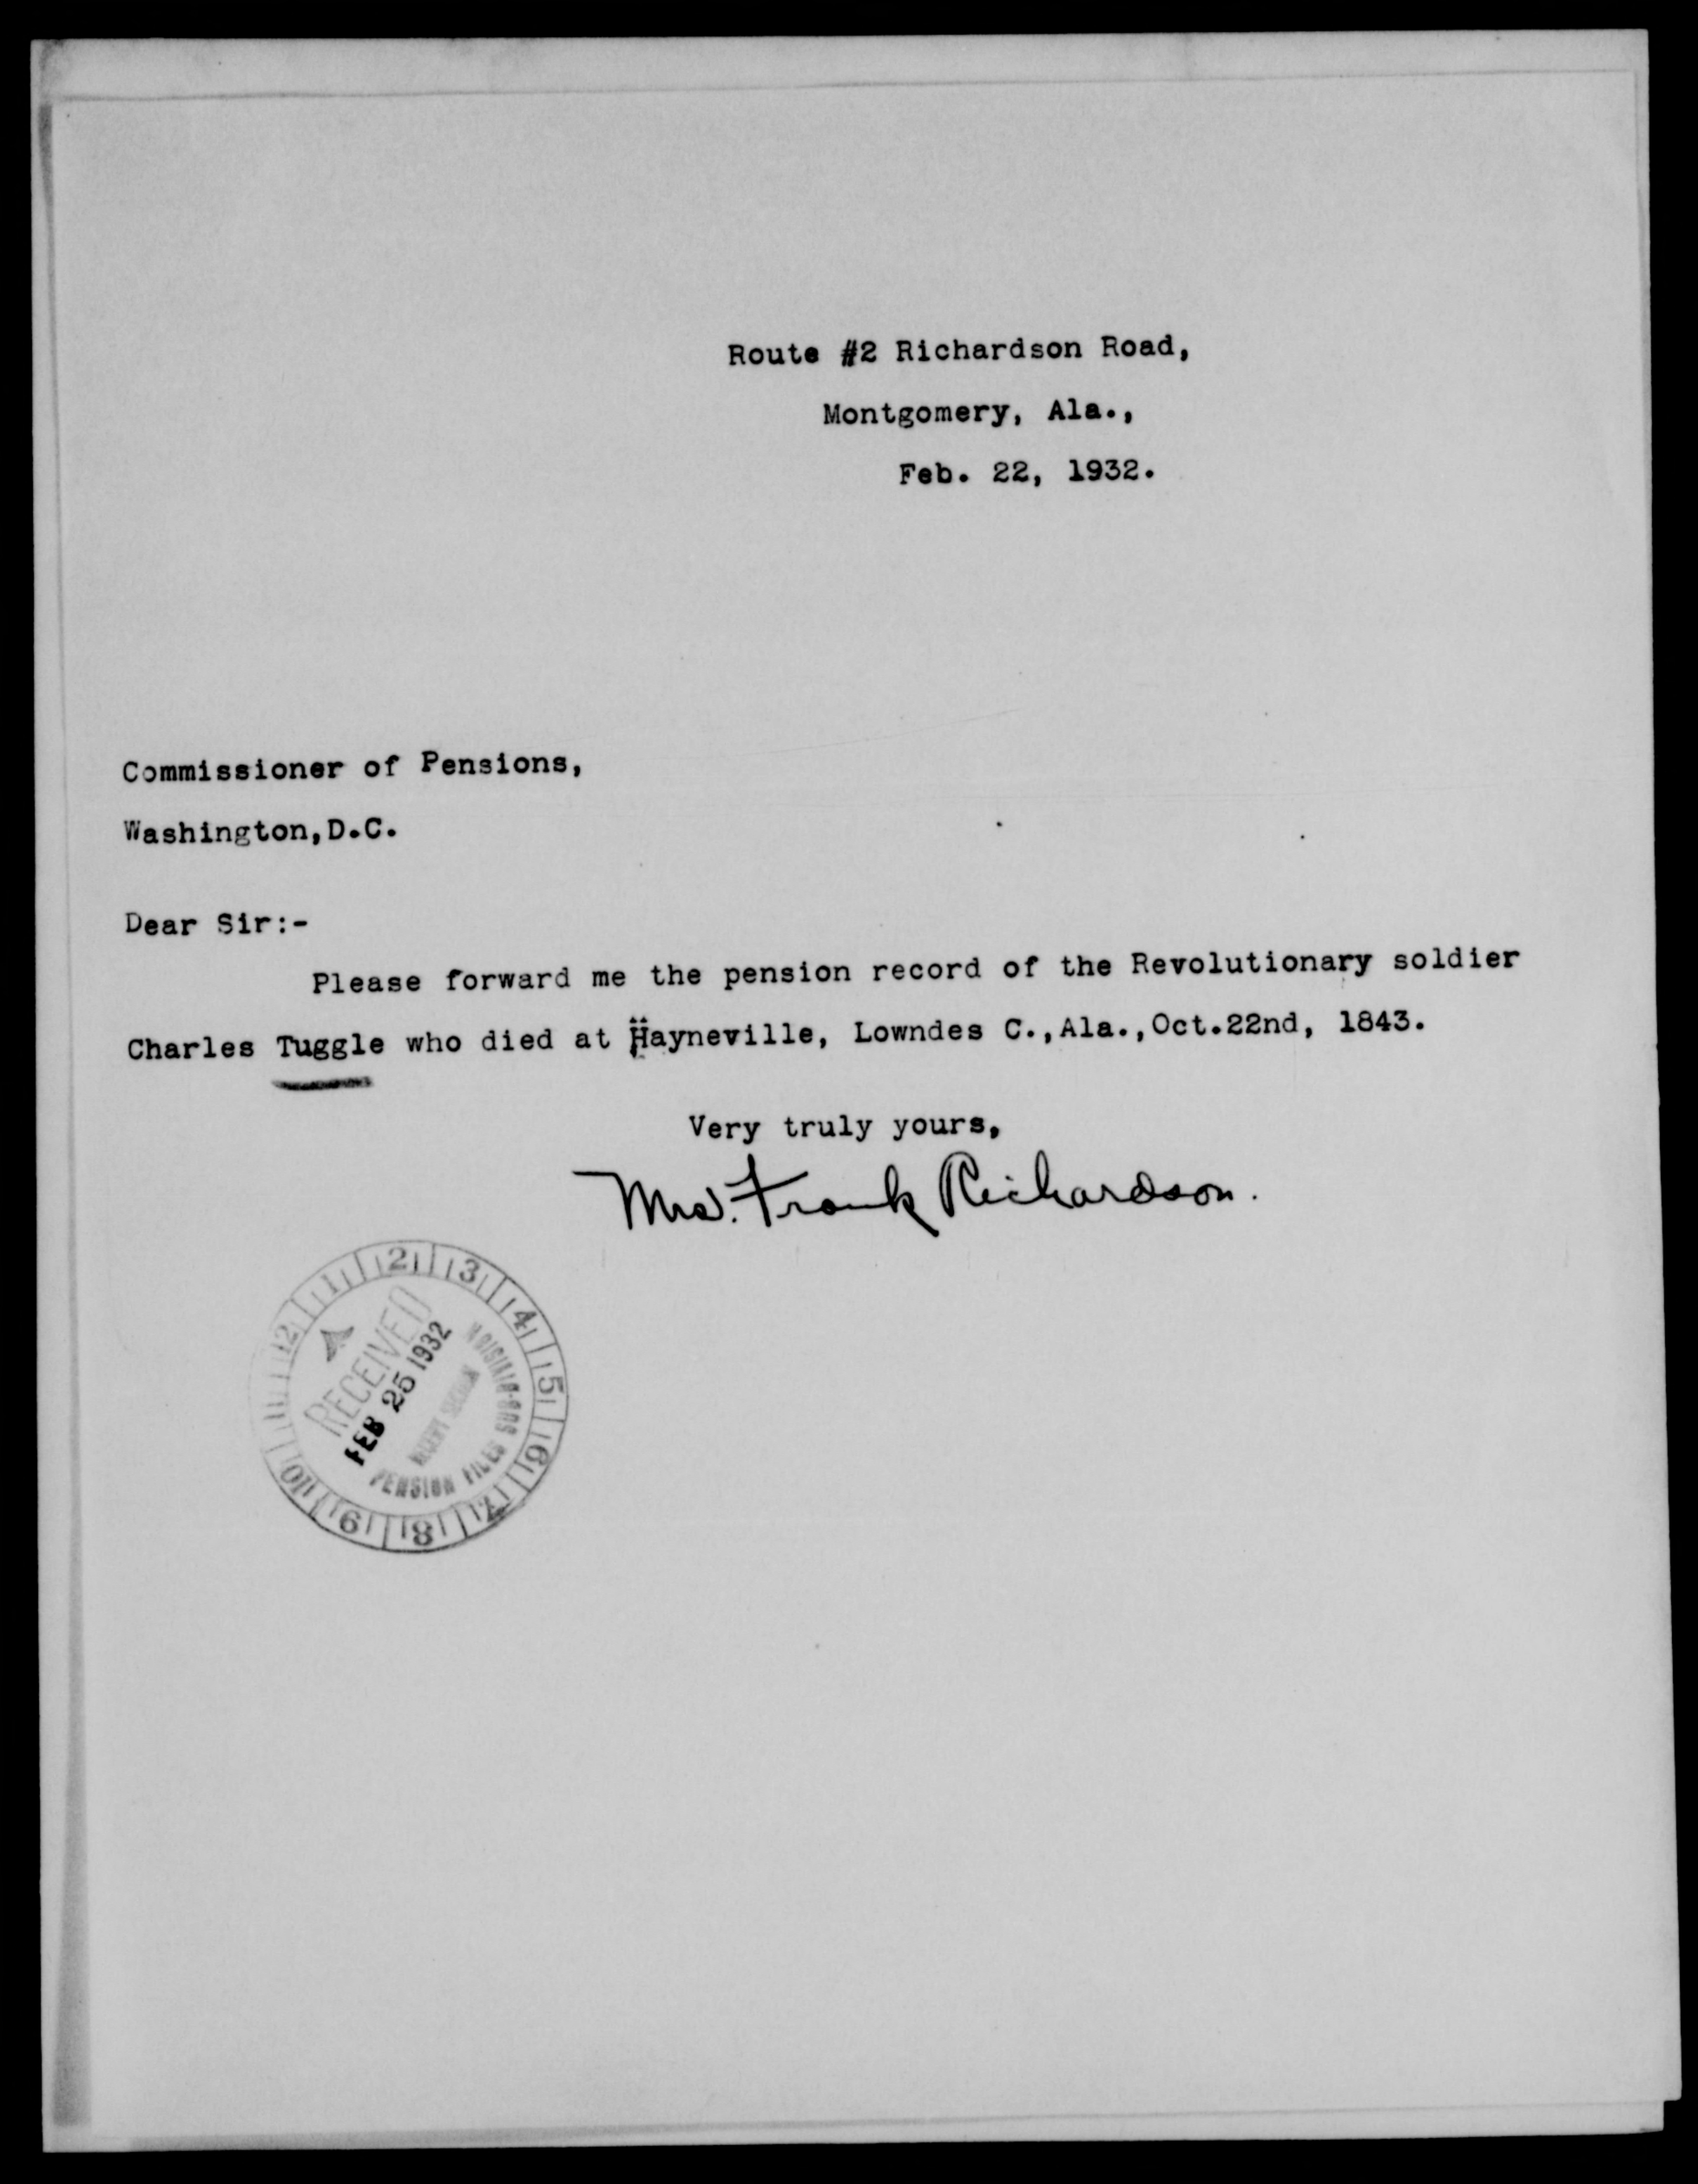Route #2 Richardson Road,
Montgomery, Ala., 
Feb. 22, 1932.

Commissioner of Pensions,
Washington, D.C.
Dear Sir:
Please forward me the pension record of the Revolutionary soldier
Charles Tuggle who died at Hayneville, Lowndes C., Ala., Oct. 22nd, 1843.
Very truly yours,
Mrs. Frank Richardson

[seal]
RECEIVED
FEB 25 1932
PENSION FILES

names: Frank Richardson, Charles Tuggle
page: 19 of 23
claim: survivor's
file: S. 32559, Charles Tuggle, Va.